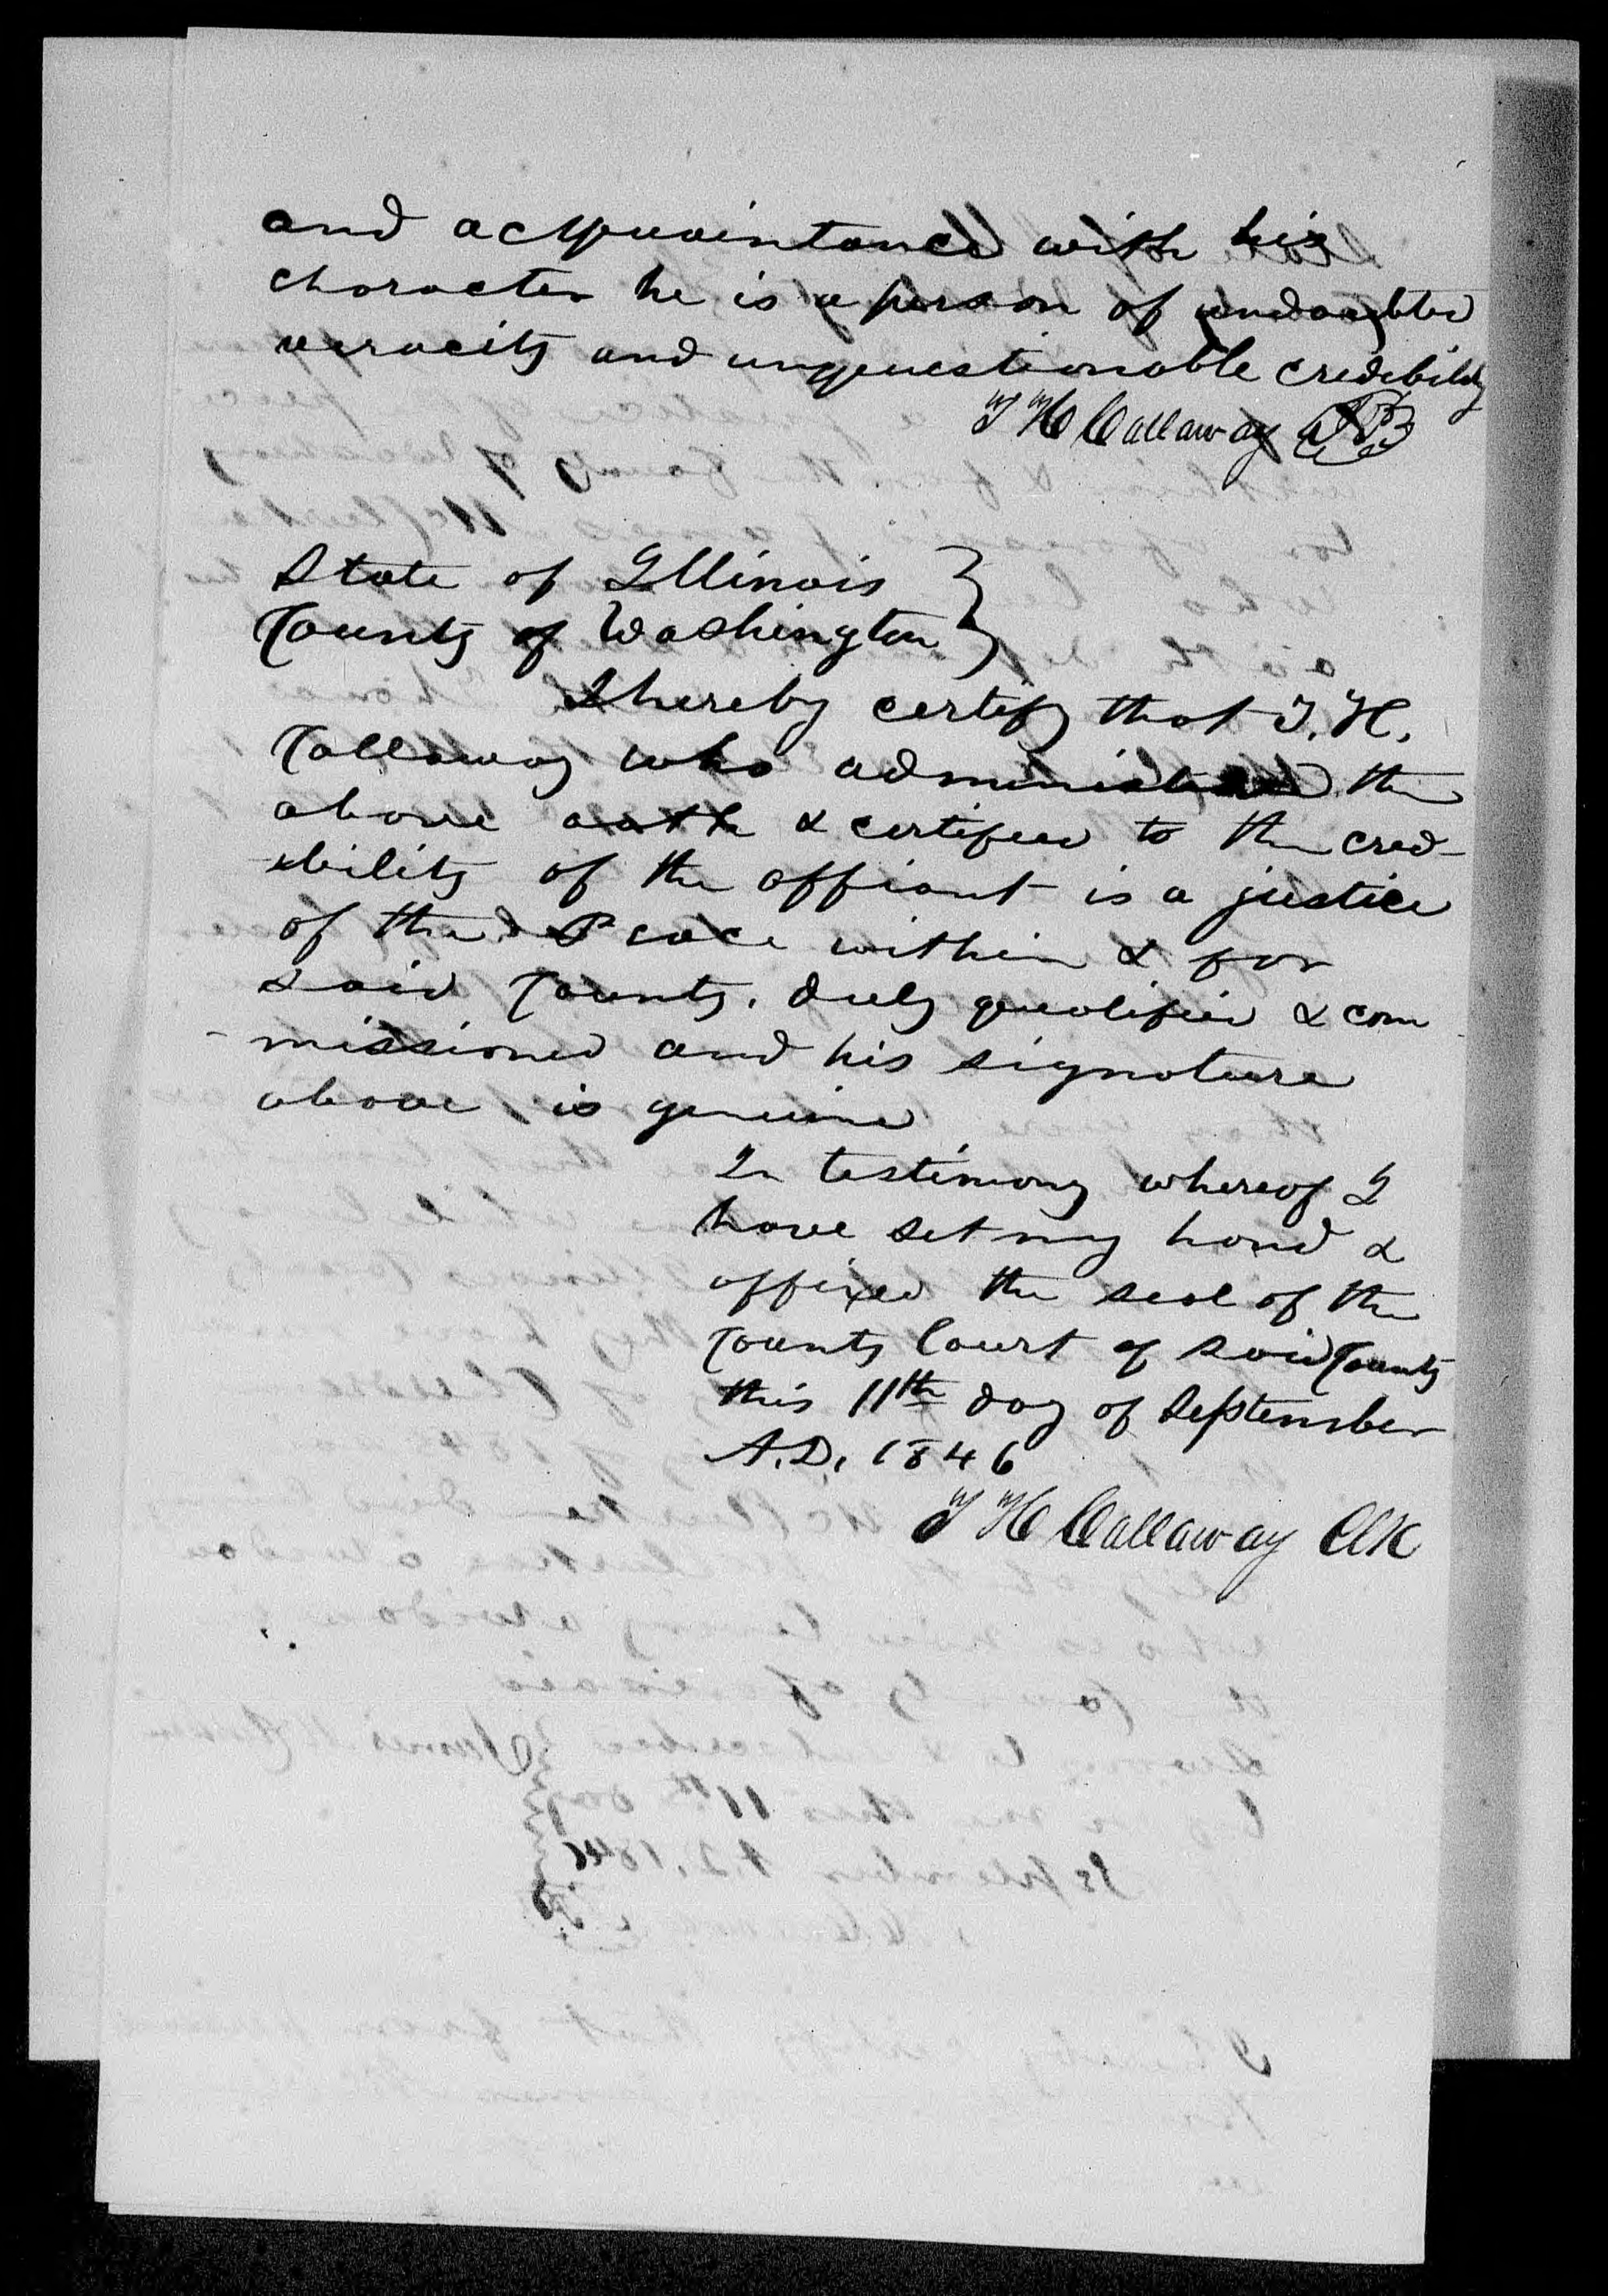and acquaintance with his character he is a person of undoubted veracity and unquestionable credibility.
 T.H. Callaway 


State of Illinois}
County of Washington} 

I hereby certify that T.H. Callaway who  administered the above oath & certified to the credibility of the affiant is a justice of the Peace within & for said County, duly qualified & commissioned and his signature above is genuine 

In testimony whereof I 
have set my hand & affixed the seal of the County Court of said County
this 11th day of September 
A.D. 1846 

T.H. Callaway Clk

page: 47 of 93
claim: widow's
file: W. 21792, for Thomas Mc Clurken, South Carolina